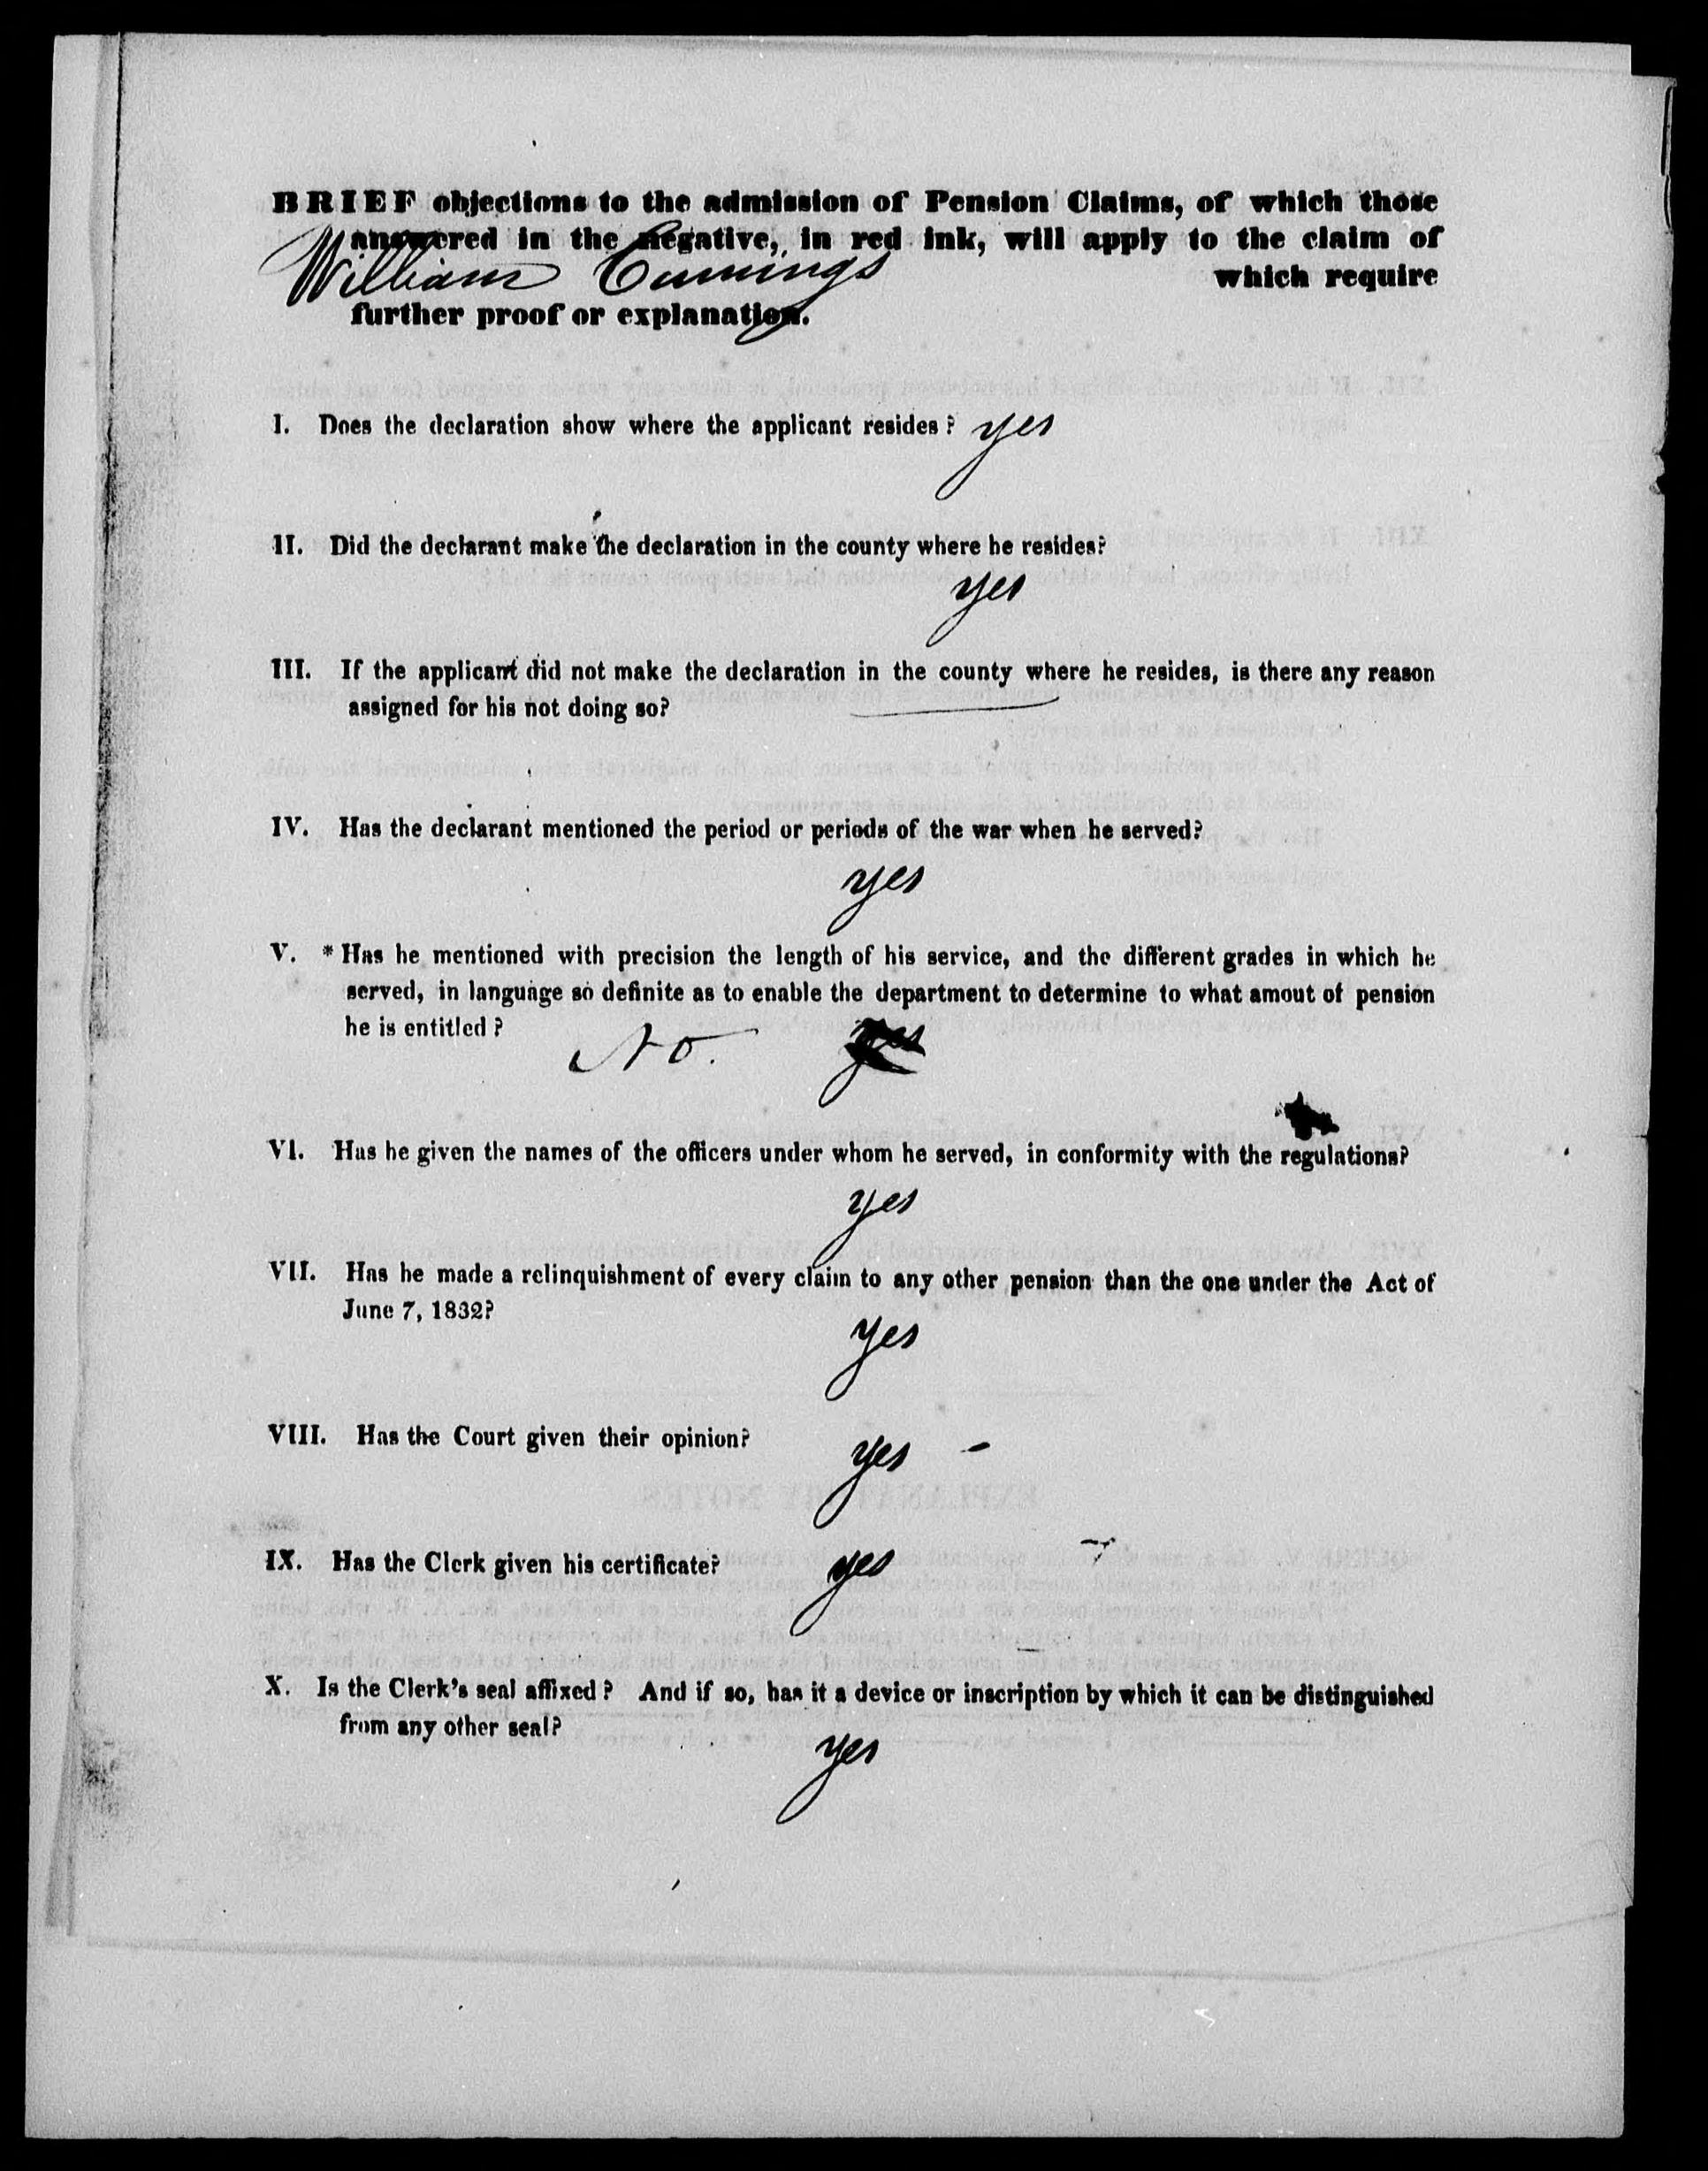[First page of "BRIEF objections to the admission of Pension Claims..." with printed text and handwritten answers.]

BRIEF objections to the admission of Pension Claims, of which these [or those] answered in the negative, in red ink, will apply to the claim of [handwritten name:] William Cumings which require further proof or explanation.

I.  Does the declaration show where the applicant resides? [Handwritten response:] yes

II.  Did the declarant make the declaration in the county where he resides? [Handwritten response:] yes

III. If the applicant did not make the declaration in the county where he resides, is there any reason assigned for his not doing so? [Blank except for a long dash]

IV.  Has the declarant mentioned the period or periods of the war when he served?  [Handwritten response:] yes

V. *Has he mentioned with precision the length of his service, and the different grades in which he served, in language so definite as to enable the department to determine to what amout [amount] of pension he is entitled? [Here the handwritten response "yes" was stricken through, and the following handwritten answer was added:] No.

VI.  Has he given the names of the officers under whom he served, in conformity with the regulations?
[Handwritten response:] yes

VII.  Has he made a relinquishment of every claim to any other pension than the one under the Act of June 7, 1832?  [Handwritten response:] yes

VIII.  Has the Court given their opinion?  [Handwritten response:] yes 

IX.  Has the Clerk given his certificate?  [Handwritten response:] yes

X.  Is the Clerk's seal affixed?  And if so, has it a device or inscription by which it can be distinguished from any other seal?  [Handwritten response:] yes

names: William Cumings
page: 91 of 145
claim: survivor's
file: S. 8265, William Cumming, N.C.